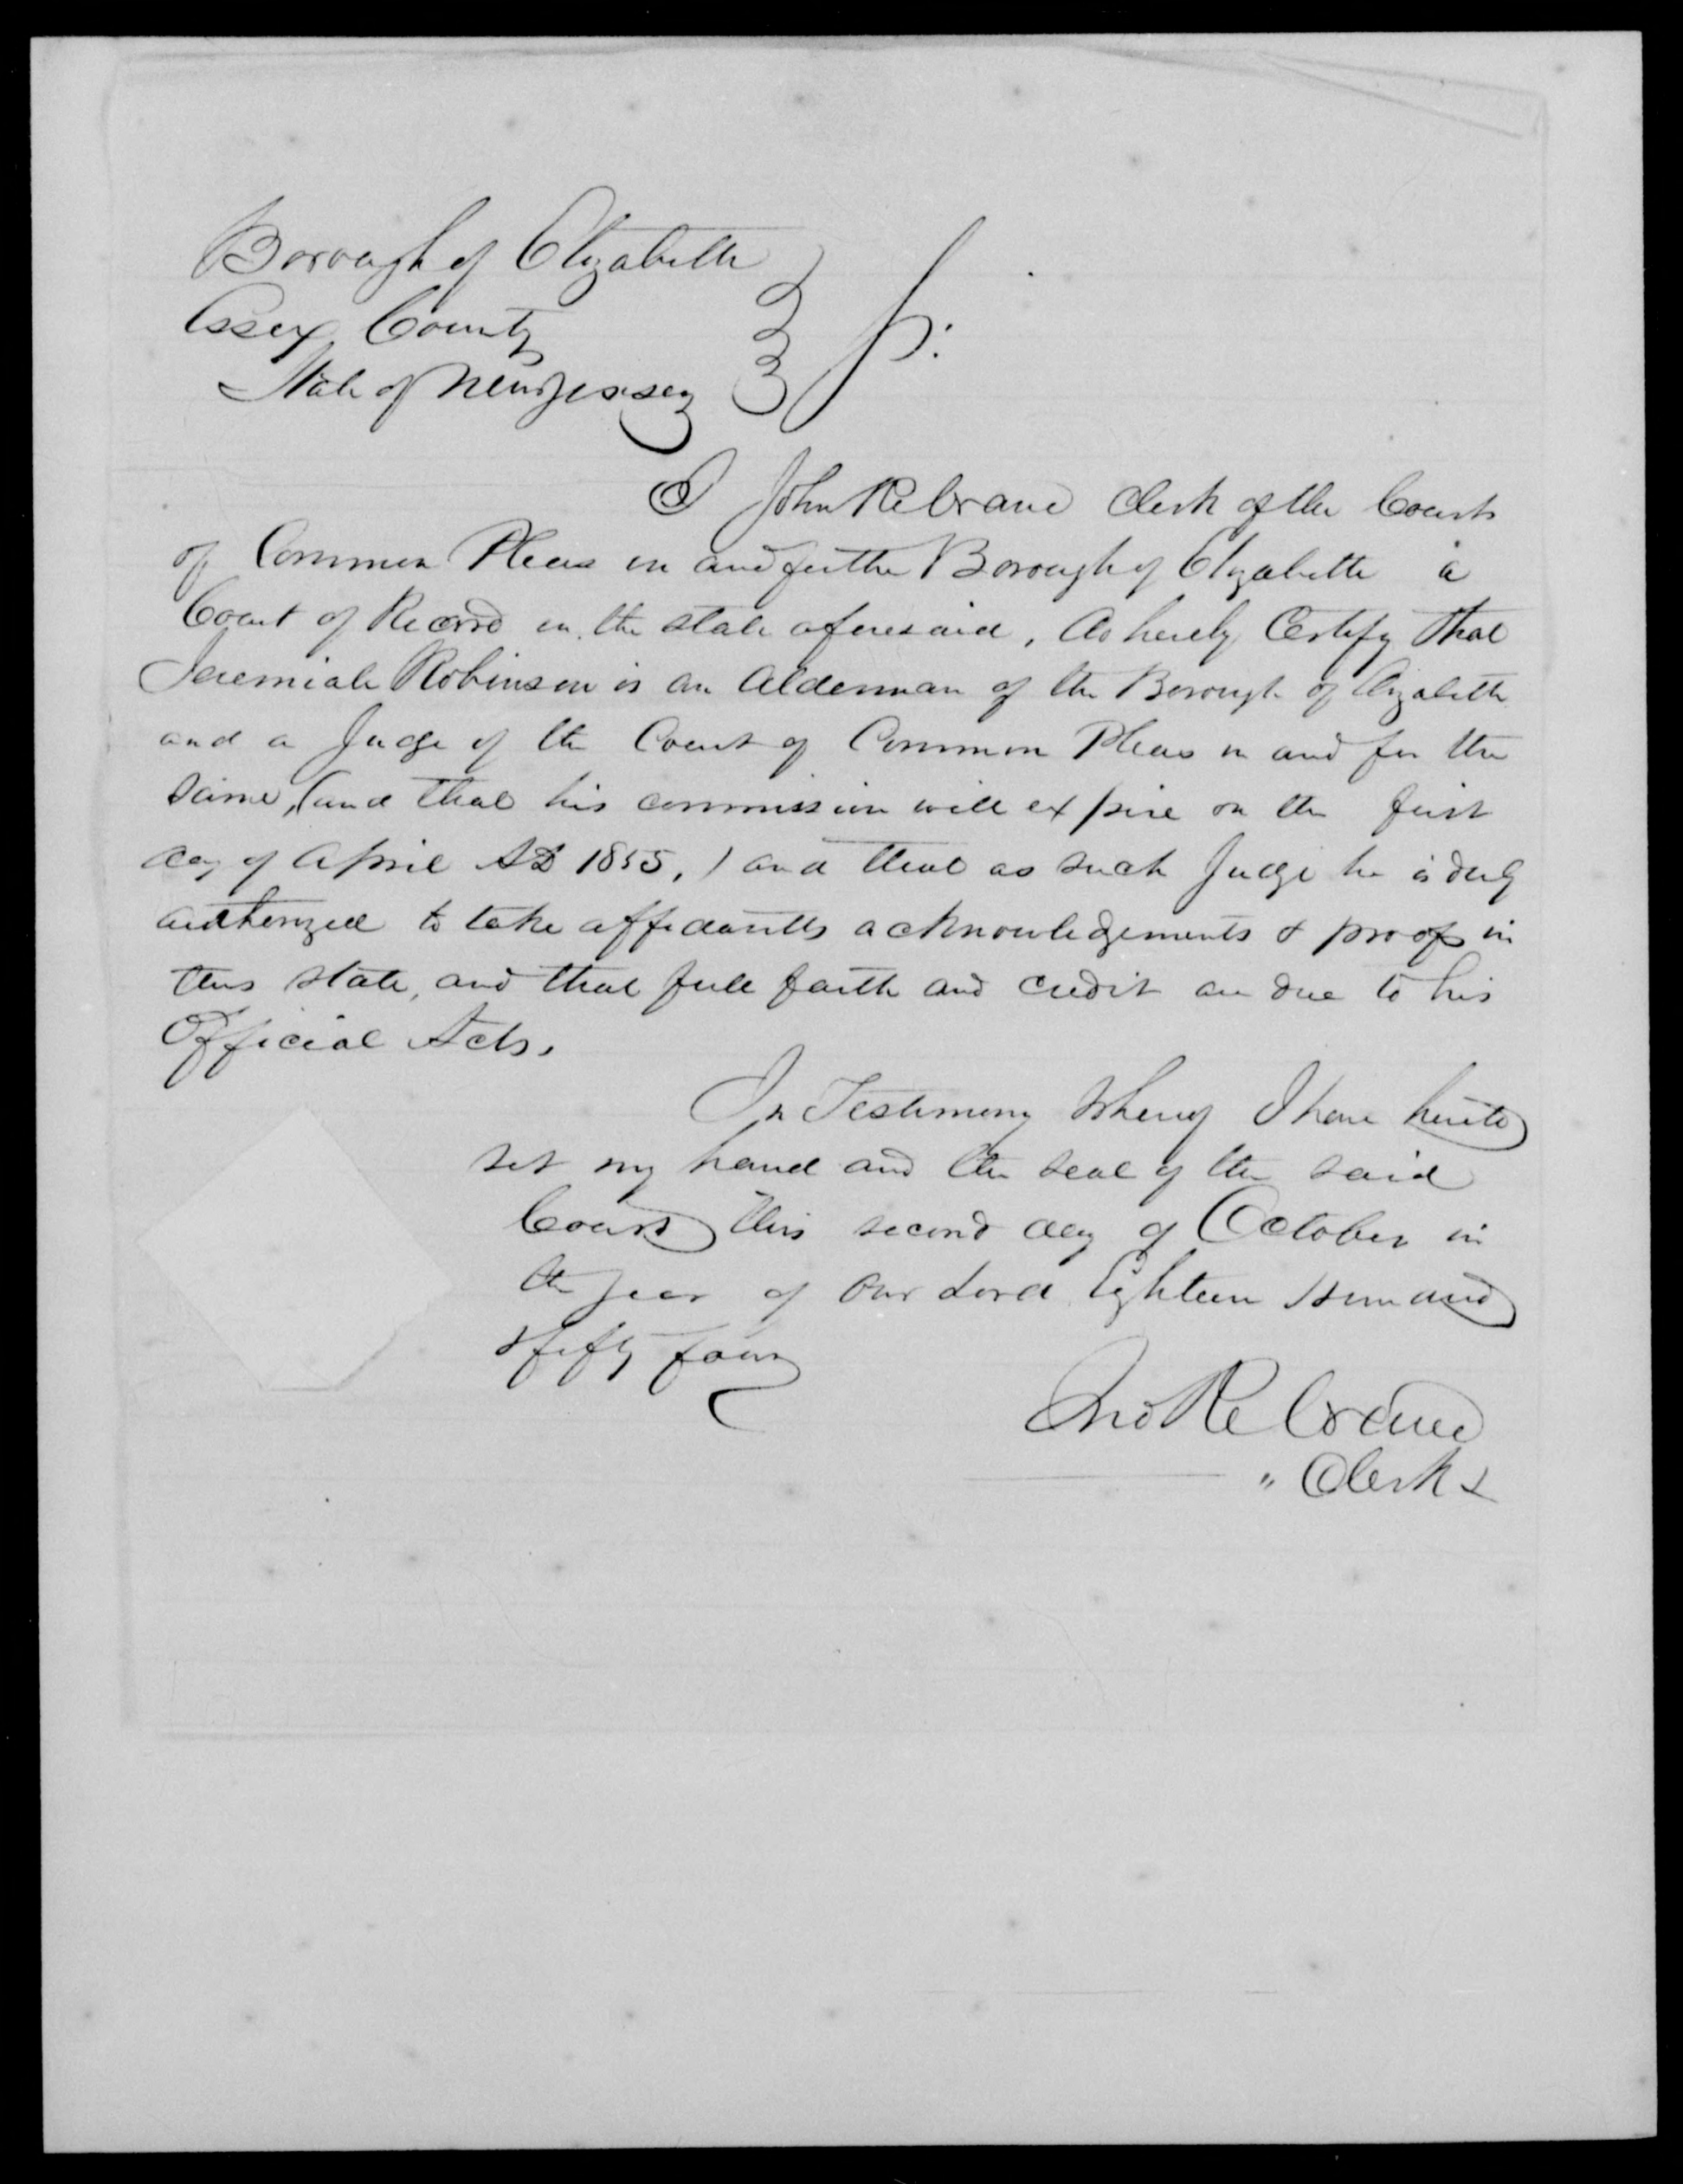Borough of Elizabeth
Essex County
State of New Jersey }ss:
I John Rebrane Clerk of the Court of Common Pleas in and for the Borough of Elizabeth a Court of Record in the state aforesaid, do hereby certify that Jeremiah Robinson is an alderman of the Borough of Elizabeth and a Judge of the Court of Common Pleas in and for the same, that his commission will expire on the first day of April AD 1855, and that as such Judge he is duly authorized to take affidavits acknowledgements & proofs in this state, and that full faith and credit are due to his official Acts.
[court seal affixed] In Testimony whereof I have hereto set my hand and the seal of the said Court this second day of October the year of our Lord Eighteen Hundred & fifty four
/s/Jno Rebrane Clerk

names: John Rebrane; Jno Rebrane; Jeremiah Robinson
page: 55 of 65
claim: widow's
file: W. 7197, for Jonathan Spear, Vermont